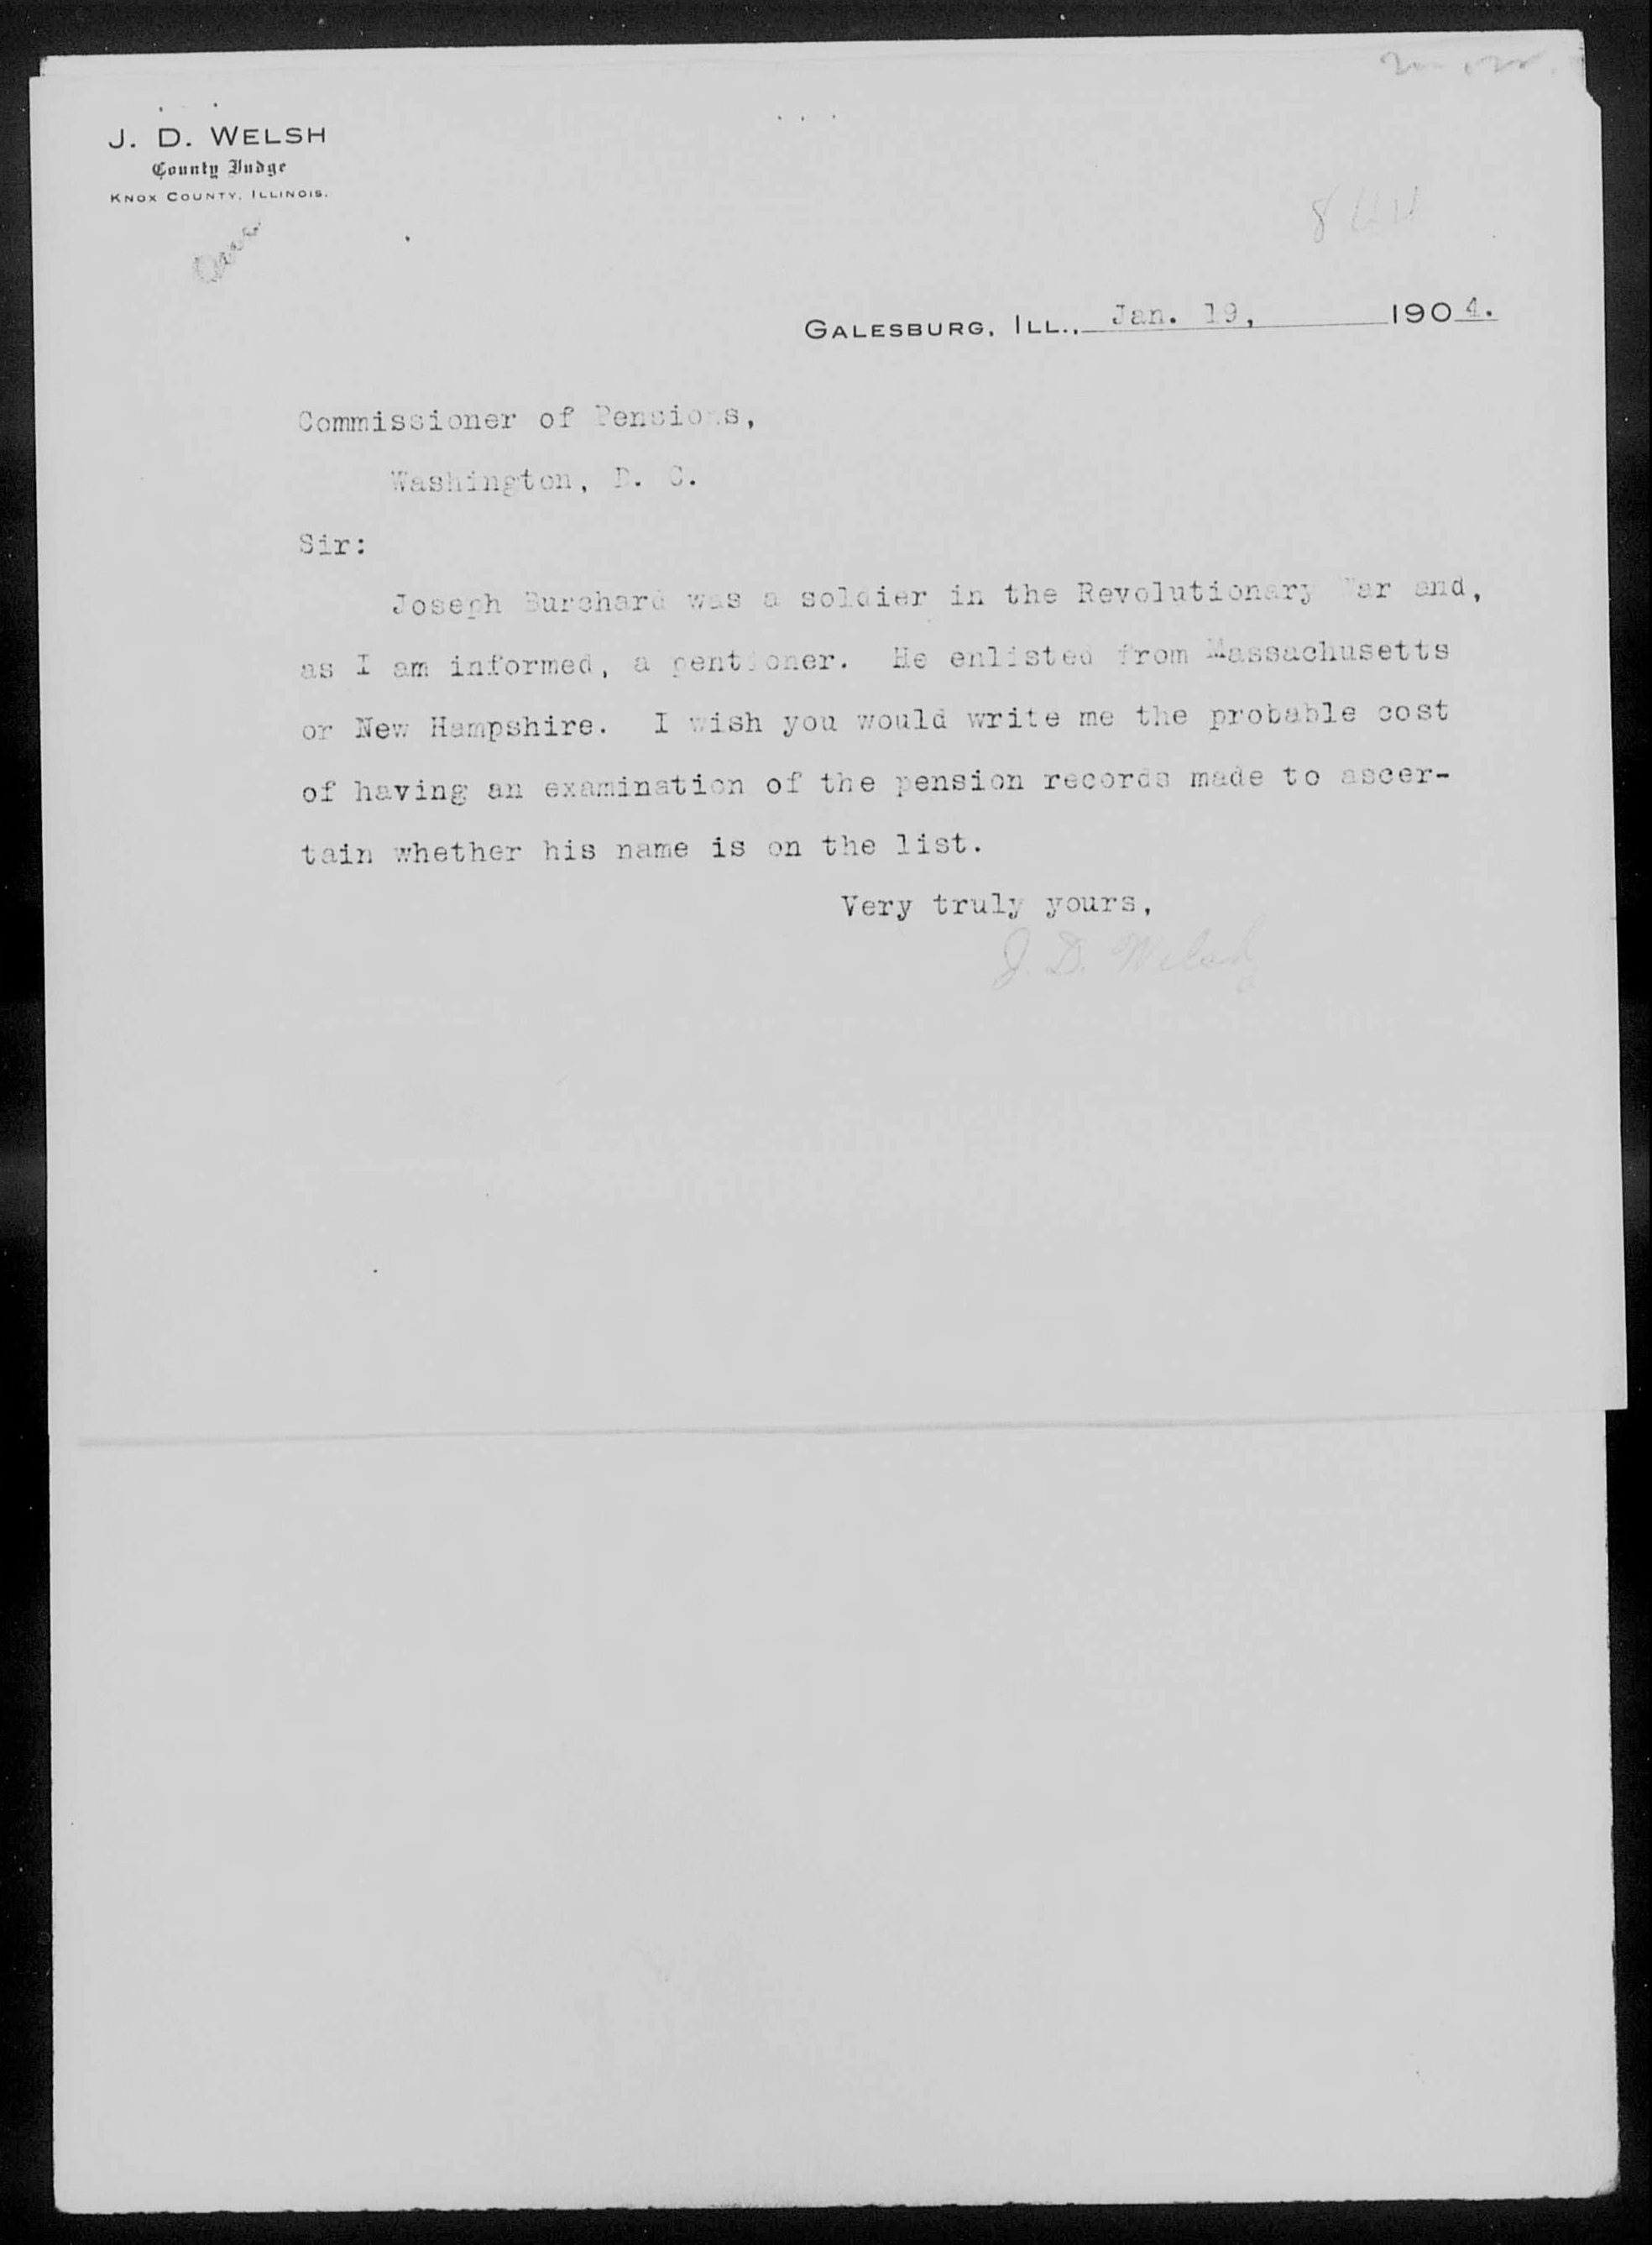J.D. Welsh 
County Judge
Knox County, Illinois

Galesburg, Ill. Jan. 18, 1904

Commissioner of Pensions,
Washington D.C.

Sir:
Joseph Burchard was a soldier in the Revolutionary War and as I am informed a pensioner. He enlisted from Massachusetts or New Hampshire. I wish you would write me the probable cost of having an examination of the pension records made to ascertain whether his name is on the list.

Very Truly Yours,
J.D. Welsh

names: J D Welsh, J D Welsh, Joseph Burchard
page: 18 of 18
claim: rejected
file: R. 844, Joseph Birchard, Conn.